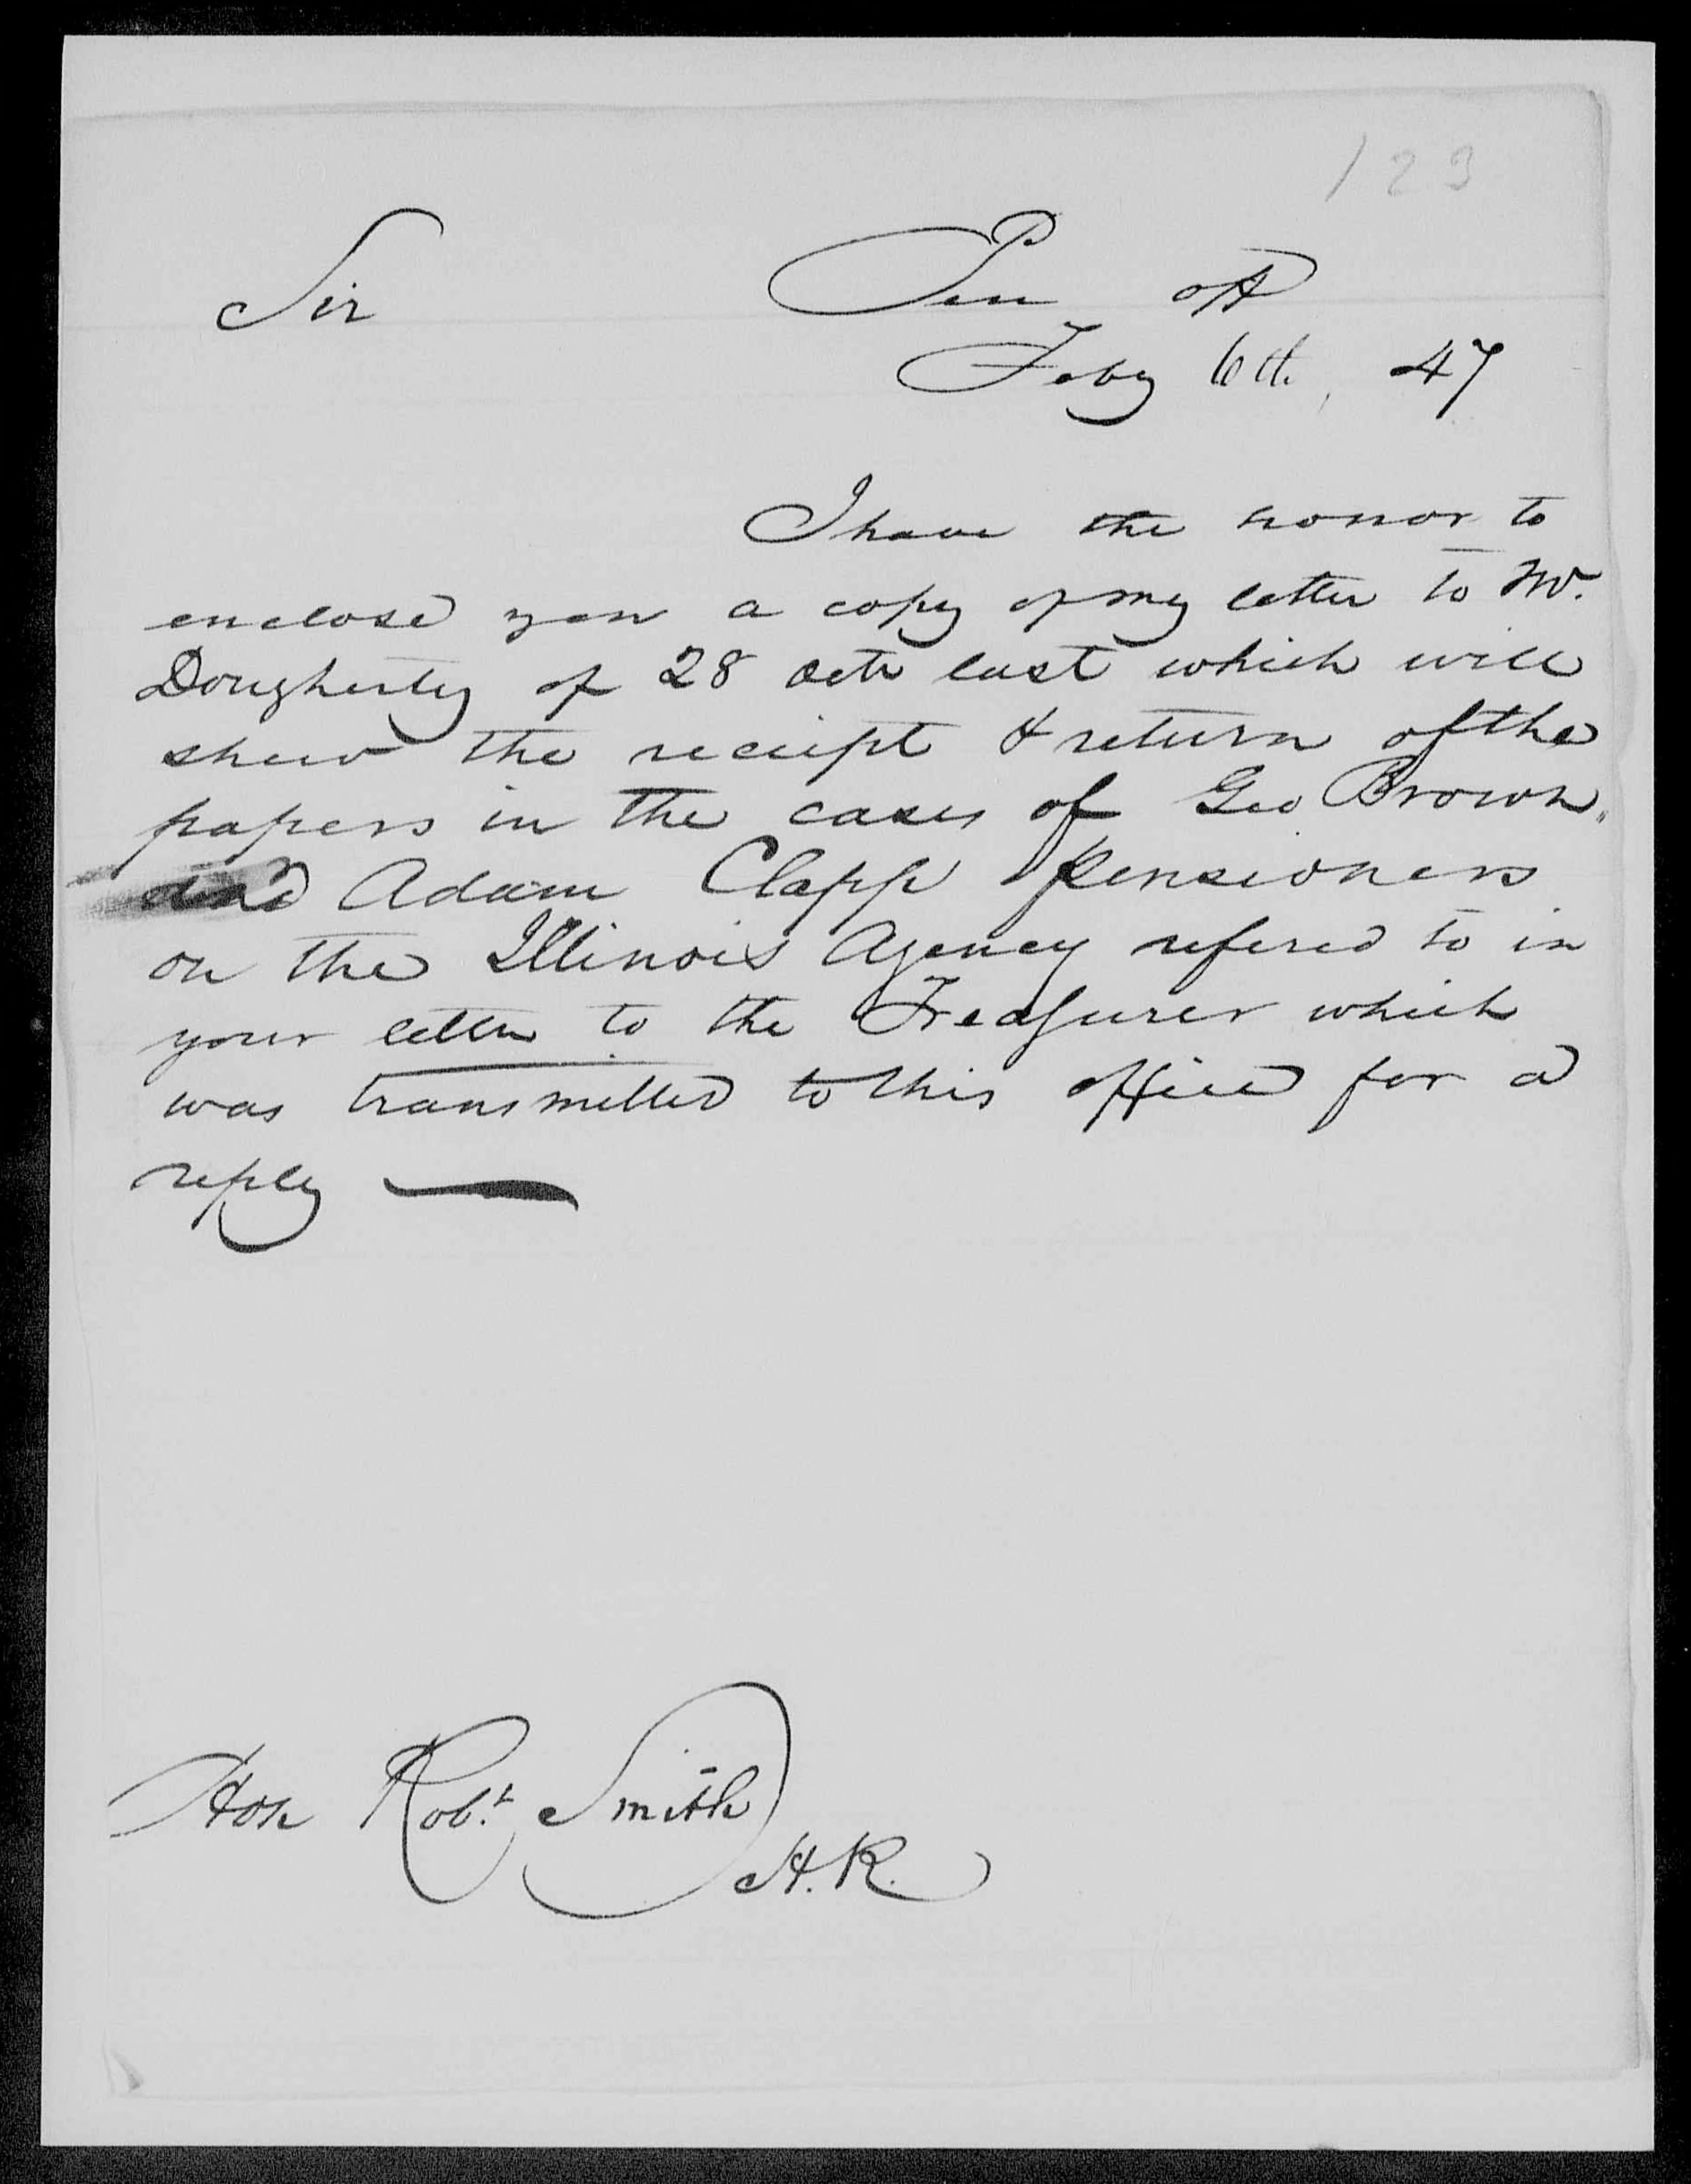123
Pen off
Feby 6th 47

Sir

I have the honor to
enclose you a copy of my letter to Mr.
Dougherty of 28 Octr last which will
show the receipt & return of the
papers in the cases of Geo Brown
and Adam Clapp pensioners
on the Illinois Agency refered [referred] to in
your letter to the Treasurer which
was transmitted to this office for a
reply.

Hon Robt Smith
H.R.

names: Adam Clapp, Robt Smith, Dougherty, Geo Brown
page: 16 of 23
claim: survivor's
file: S. 30,937, Adam Clapp, N.C.